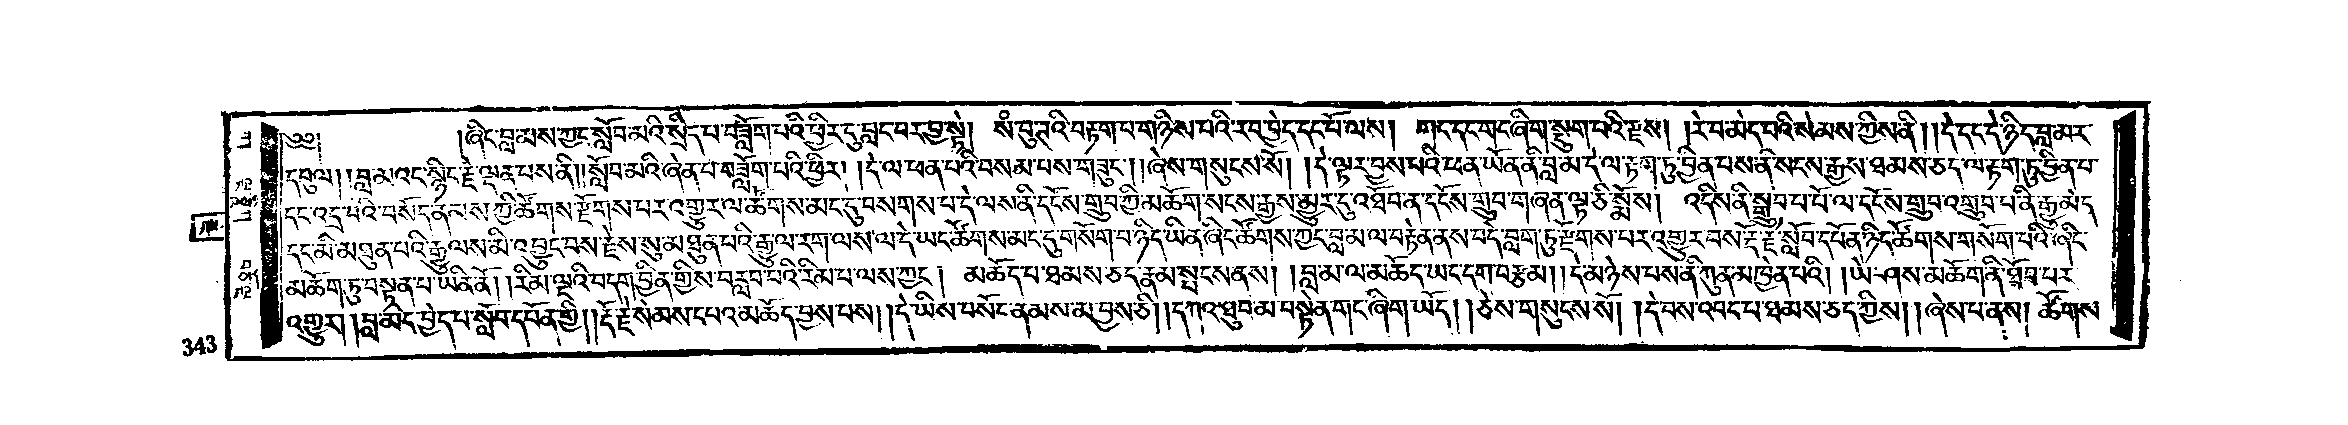༄༅། །ཞིང་བླ་མས་ཀྱང་སློབ་མའི་སྲིད་པ་བཟློག་པའི་ཕྱིར་དུ་བླང་བར་བྱ་སྟེ། སཾ་བུ་ཊའི་བརྟག་པ་གཉིས་པའི་རབ་བྱེད་དང་པོ་ལས། གང་དང་གང་ཞིག་སྡུག་པའི་རྫས། །རེ་བ་མེད་པའི་སེམས་ཀྱིས་ནི། །དེ་དང་དེ་ཉིད་བླ་མར་
དབུལ། །བླ་མའང་སྙིང་རྗེ་ལྡན་པས་ནི། །སློབ་མའི་ཞེན་པ་བཟློག་པའི་ཕྱིར། །དེ་ལ་ཕན་པའི་བསམ་པས་གཟུང་། །ཞེས་གསུངས་སོ། །དེ་ལྟར་བྱས་པའི་ཕན་ཡོན་ནི་བླ་མ་དེ་ལ་རྟག་ཏུ་བྱིན་པས་ནི་སངས་རྒྱས་ཐམས་ཅད་ལ་རྟག་ཏུ་བྱིན་པ་
དང་འདྲ་བའི་བསོད་ནམས་ཀྱི་ཚོགས་རྫོགས་པར་འགྱུར་ལ་ཚོགས་མང་དུ་བསགས་པ་དེ་ལས་ནི་དངོས་གྲུབ་ཀྱི་མཆོག་སངས་རྒྱས་མྱུར་དུ་འཐོབ་ན་དངོས་གྲུབ་གཞན་ལྟ་ཅི་སྨོས། འདིས་ནི་སྒྲུབ་པ་པོ་ལ་དངོས་གྲུབ་འགྲུབ་པ་ནི་རྒྱུ་མེད་
དང་མི་མཐུན་པའི་རྒྱུ་ལས་མི་འབྱུང་བས་རྗེས་སུ་མཐུན་པའི་རྒྱུ་ལ་རག་ལས་ལ་དེ་ཡང་ཚོགས་མང་དུ་གསོག་པ་ཉིད་ཡིན་ཞིང་ཚོགས་ཀྱང་བླ་མ་ལ་བརྟེན་ནས་བདེ་བླག་ཏུ་རྫོགས་པར་འགྱུར་བས་རྡོ་རྗེ་སློབ་དཔོན་ཉིད་ཚོགས་གསོག་པའི་ཞིང་
མཆོག་ཏུ་བསྟན་པ་ཡིན་ནོ། །རིམ་ལྔའི་བདག་བྱིན་གྱིས་བརླབ་པའི་རིམ་པ་ལས་ཀྱང་། མཆོད་པ་ཐམས་ཅད་རྣམ་སྤངས་ནས། །བླ་མ་ལ་མཆོད་ཡང་དག་བརྩམ། །དེ་མཉེས་པས་ནི་ཀུན་མཁྱེན་པའི། །ཡེ་ཤས་མཆོག་ནི་ཐོབ་པར་
འགྱུར། །བླ་མེད་བྱེད་པ་སློབ་དཔོན་གྱི། །རྡོ་རྗེ་སེམས་དཔའ་མཆོད་བྱས་པས། །དེ་ཡིས་བསོད་ནམས་མ་བྱས་ཅི། །དཀའ་ཐུབ་མ་བསྟེན་གང་ཞིག་ཡོད། །ཅེས་གསུངས་སོ། །དེ་བས་འབད་པ་ཐམས་ཅད་ཀྱིས། །ཞེས་པ་ནས། ཚོགས་